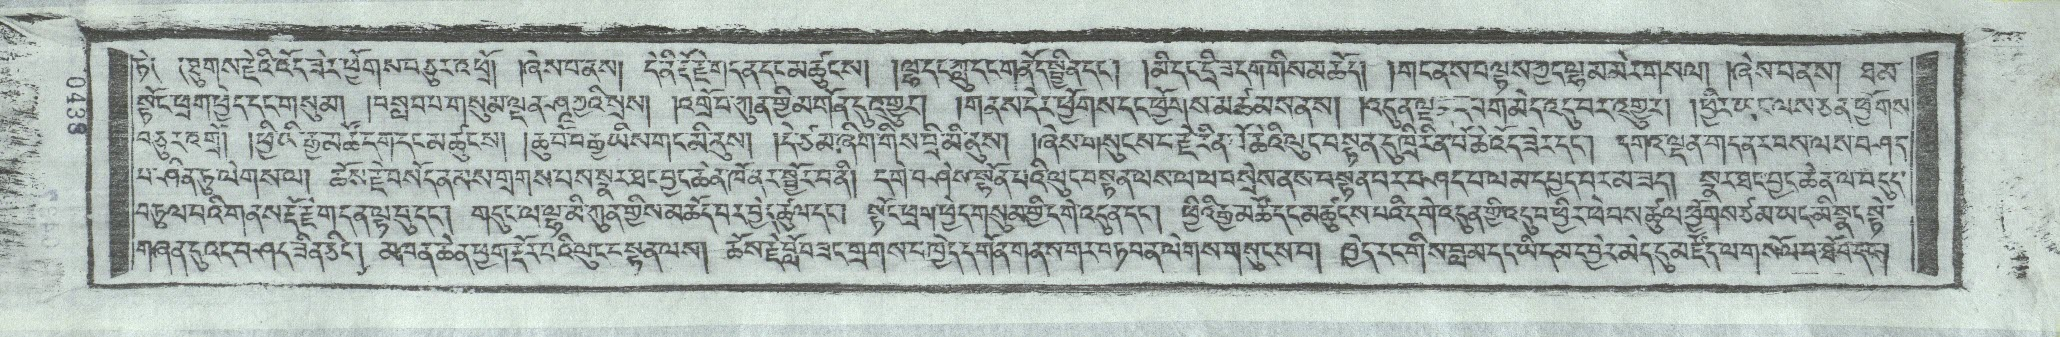ཏེ༑ ༑ཐུགས་རྗེའི་འོད་ཟེར་ཕྱོགས་བཅུར་འཕྲོ། །ཞེས་པ་ནས། དེ་ནི་རྡོ་རྗེ་གདན་དང་མཚུངས། །ལྷ་དང་ཀླུ་དང་གནོད་སྦྱིན་དང་། །མི་དང་དྲི་ཟ་དག་གིས་མཆོད། །གང་ནས་བལྟས་ཀྱང་ལྷ་མ་མེར་གསལ། །ཞེས་པ་ནས། ཐ་མ་
སྟོང་ཕྲག་ཕྱེད་དང་གསུམ། །བསླབ་པ་གསུམ་ལྡན་ཤཱཀྱའི་སྲས། །འགྲོ་བ་ཀུན་གྱི་མགོན་དུ་འགྱུར། །གནས་དེར་ཕྱོགས་དང་ཕྱོགས་མཚམས་ནས། །འདུན་ལྡན་དཔག་མེད་འདུ་བར་འགྱུར། །ཕྱིར་ཡང་ལས་ཅན་ཕྱོགས་
བཅུར་འགྲོ། །ཕྱི་ཡི་རྒྱ་མཚོ་དག་དང་མཚུངས། །ཆུ་བོ་བརྒྱ་ཡིས་གང་མི་ནུས། །དེ་ཙམ་ཞིག་གིས་བྲི་མི་ནུས། །ཞེས་གསུངས་པ་རྗེ་རིན་པོ་ཆེའི་ལུང་བསྟན་དུ་ཁྲི་རིན་པོ་ཆེ་འོད་ཟེར་དང་། དགའ་ལྡན་གདན་རབས་ལས་བཤད་
པ་ཤིན་ཏུ་ལེགས་ལ། ཆོས་རྗེ་བསོད་ནམས་གྲགས་པས་སྣར་ཐང་བྱང་ཆེན་ཁོ་ནར་སྦྱོར་བ་ནི། དགེ་བཤེས་སྟོན་པའི་ལུང་བསྟན་ལས་ལ་ལ་བསྲེས་ནས་བསྟན་པར་བཤད་པ་ལ་མ་དཔྱད་པར་མ་ཟད། སྣར་ཐང་བྱང་ཆེན་ལ་བདུད་
བཏུལ་པའི་གནས་རྡོ་རྗེ་གདན་ལྟ་བུ་དང་། གདུང་ལ་ལྷ་མི་ཀུན་གྱིས་མཆོད་པར་བྱེད་ཚུལ་དང་། སྟོང་ཕྲག་ཕྱེད་གསུམ་གྱི་དགེ་འདུན་དང་། ཕྱིའི་རྒྱ་མཚོ་དང་མཚུངས་པའི་དགེ་འདུན་གྱི་འདུ་བ་ཕྱིར་ཕེབས་ཚུལ་ཕྱོགས་ཙམ་ཡང་མི་སྣང་སྟེ་
གཞན་དུའང་བཤད་ཟིན་ཅིང་། མཁན་ཆེན་ཕྱག་རྡོར་པའི་ལུང་བསྟན་ལས། ཆོས་རྗེ་བློ་བཟང་གྲགས་པ་ཁྱེད་དགོན་གནས་གར་བཏབ་ན་ལེགས་གསུངས་བ། ཁྱེད་རང་གིས་བླ་མ་དང་ཡི་དམ་དབྱེར་མེད་དུ་མཛོད་པ་གསོལ་པ་ཐོབ་དང་།